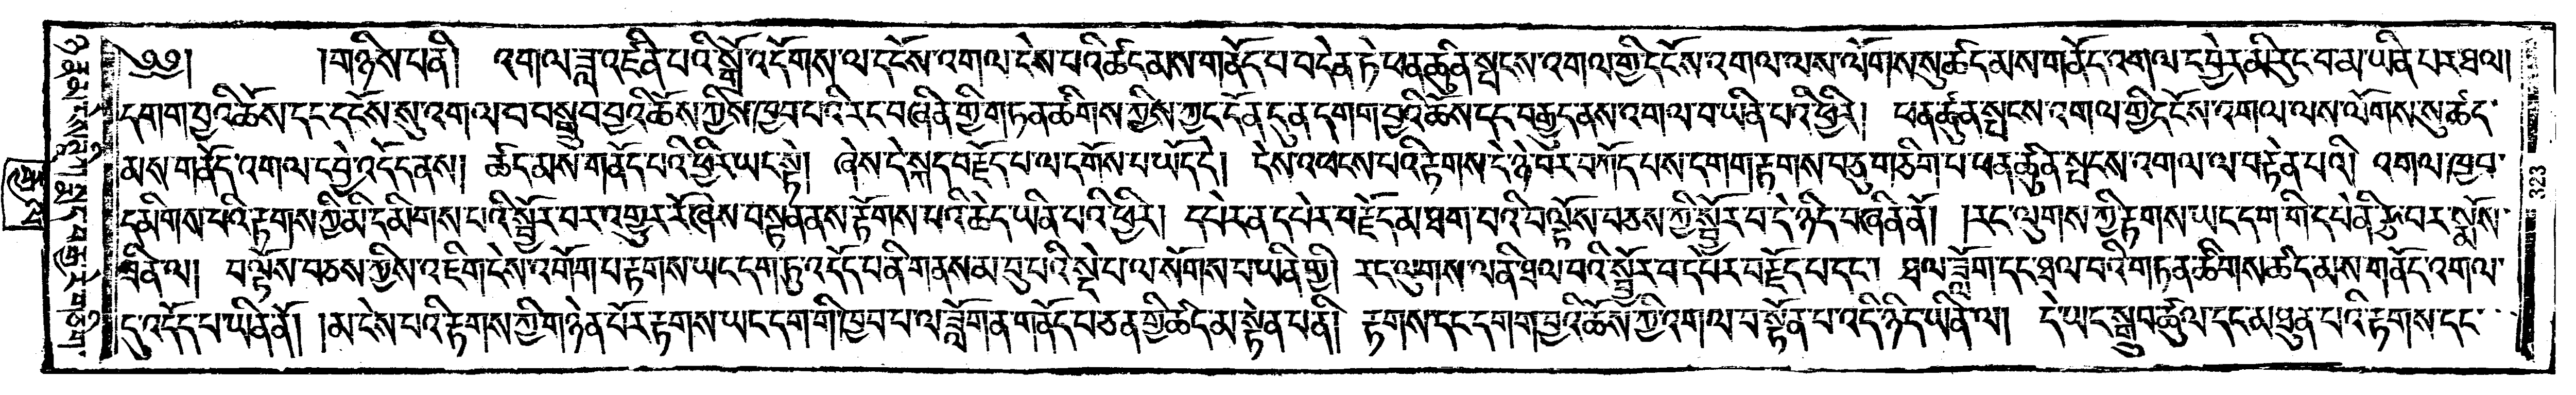༄༅། །གཉིས་པ་ནི། འགལ་ཟླ་འཛིན་པའི་སྒྲོ་འདོགས་ལ་དངོས་འགལ་ངེས་པའི་ཚད་མས་གནོད་པ་བདེན་ཏེ་ཕན་ཚུན་སྤངས་འགལ་གྱི་དངོས་འགལ་ལས་ལོགས་སུ་ཚད་མས་གནོད་འགལ་དབྱེར་མི་རུང་བ་མ་ཡིན་པར་ཐལ།
དགག་བྱའི་ཆོས་དང་དངོས་སུ་འགལ་བ་བསྒྲུབ་བྱའི་ཆོས་ཀྱིས་ཁྱབ་པའི་རང་བཞིན་གྱི་གཏན་ཚིགས་ཀྱིས་ཀྱང་དོན་དུ་ན་དགག་བྱའི་ཆོས་དང་བརྒྱུད་ནས་འགལ་བ་ཡིན་པའི་ཕྱིར། ཕན་ཚུན་སྤངས་འགལ་གྱི་དངོས་འགལ་ལས་ལོགས་སུ་ཚད་
མས་གནོད་འགལ་དབྱེ་འདོད་ནས། ཚད་མས་གནོད་པའི་ཕྱིར་ཡང་སྟེ། ཞེས་དེ་སྐད་བརྗོད་པ་ལ་དགོས་པ་ཡོད་དེ། དེས་འཕངས་པའི་རྟགས་དེ་ཉེ་བར་བཀོད་པས་དགག་རྟགས་བཅུ་གཅིག་པ་ཕན་ཚུན་སྤངས་འགལ་ལ་བརྟེན་པའི། འགལ་ཁྱབ་
དམིགས་པའི་རྟགས་ཀྱི་མི་དམིགས་པའི་སྦྱོར་བར་འགྱུར་རོ་ཞེས་བསྟན་ནས་རྟོགས་པའི་ཆེད་ཡིན་པའི་ཕྱིར། དཔེར་ན་དཔེར་བརྗོད་མ་ཐག་པའི་བལྟོས་བཅས་ཀྱི་སྦྱོར་བ་དེ་ཉིད་བཞིན་ནོ། །རང་ལུགས་ཀྱི་རྟགས་ཡང་དག་གི་དཔེ་ནི་རྩ་བར་སྨོས་
ཟིན་ལ། བལྟོས་བཅས་ཀྱིས་འཇིག་ངེས་འགོག་པ་རྟགས་ཡང་དག་ཏུ་འདོད་བ་ནི་གནས་མ་བུ་པའི་སྡེ་པ་ལ་སོགས་པ་ཡིན་གྱི། རང་ལུགས་ལ་ནི་ཐལ་བའི་སྦྱོར་བ་དཔེར་བརྗོད་པ་དང་། ཐལ་ཟློག་དང་ཐལ་བའི་གཏན་ཚིགས་ཚད་མས་གནོད་འགལ་
དུ་འདོད་པ་ཡིན་ནོ། །མ་ངེས་པའི་རྟགས་ཀྱི་གཉེན་པོར་རྟགས་ཡང་དག་གི་ཁྱབ་པ་ལ་ཟློག་ན་གནོད་པ་ཅན་གྱི་ཚད་མ་སྟེན་པ་ནི། རྟགས་དང་དགག་བྱའི་ཆོས་ཀྱི་འགལ་བ་སྟོན་པ་འདི་ཉིད་ཡིན་ལ། དེ་ཡང་སྒྲུབ་ཚུལ་དང་མཐུན་པའི་རྟགས་དང་